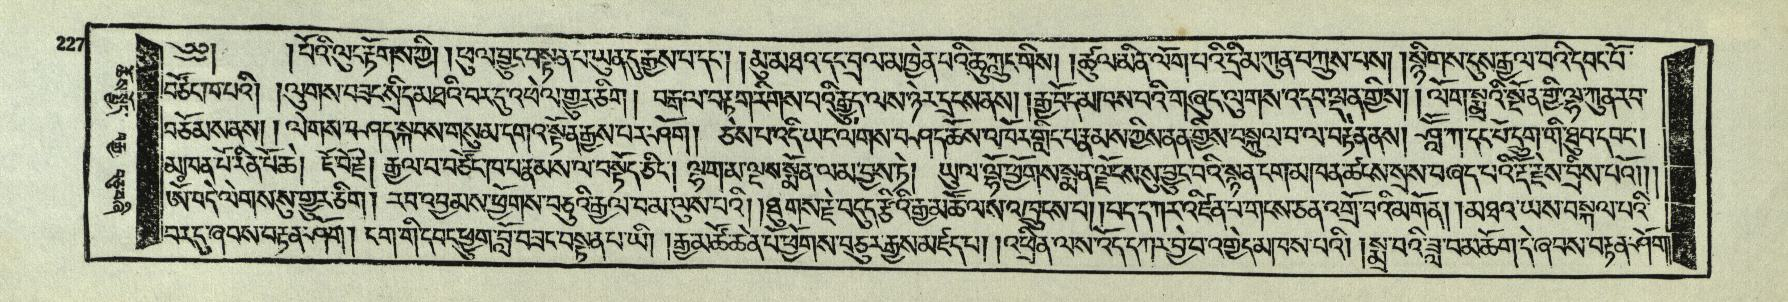༄༅། །པོའི་ལུང་རྟོགས་ཀྱི། །ཕུལ་བྱུང་བསྟན་པ་ཡུན་དུ་རྒྱས་པ་དང་། །མུ་མཐའ་དང་བྲལ་མཁྱེན་པའི་ཆུ་ཀླུང་གིས། །ཚུལ་མིན་ལོག་པའི་དྲི་མ་ཀུན་བཀྲུས་པས། །སྙིགས་དུས་རྒྱལ་བའི་དབང་པོ་
བཙོང་ཁ་པའི། །ལུགས་བཟང་སྲིད་མཐའི་བར་དུ་འཕེལ་གྱུར་ཅིག། བརྒལ་བརྟག་རིགས་པའི་རྒྱུད་ལས་ཉེར་དྲངས་ནས། །རྒྱ་བོད་མཁས་པའི་གཞུང་ལུགས་འདབ་ལྡན་གྱིས། །ལོག་སྨྲའི་སྔོན་གྱི་ལྷ་ཀུན་རབ་
བཅོམས་ནས། །ལེགས་བཤད་སྐབས་གསུམ་དགའ་སྟོན་རྒྱས་པར་ཤོག། ཅེས་པ་འདི་ཡང་ལེགས་བཤད་ཆོས་འཁོར་གླིང་པ་རྣམས་ཀྱིས་ནན་གྱིས་བསྐུལ་བ་ལ་བརྟེན་ནས། ཤླཽ་ཀ་དང་པོ་དྲུག་གི་ཐུབ་དབང་།
མཁན་པོ་རིན་པོ་ཆེ། ཇོ་བོ་རྗེ། རྒྱལ་བ་བཙོང་ཁ་པ་རྣམས་ལ་བསྟོད་ཅིང་། ལྷག་མ་ལྔས་སྨོན་ལམ་བྱས་ཏེ། ཡུལ་ལྷོ་ཕྱོགས་སྨན་ལྗོངས་སུ་བྱུང་བའི་སྙན་ངག་མཁན་ཚངས་སྲས་བཞད་པའི་རྡོ་རྗེས་བྲིས་པའོ།།།
ཨོཾ་བདེ་ལེགས་སུ་གྱུར་ཅིག། རབ་འབྱམས་ཕྱོགས་བཅུའི་རྒྱལ་བ་མ་ལུས་པའི། །ཐུགས་རྗེ་བདུད་རྩིའི་རྒྱ་མཚོ་ལས་འཁྲུངས་པ། །པད་དཀར་འཛིན་པ་གངས་ཅན་འགྲོ་བའི་མགོན། །མཐའ་ཡས་བསྐལ་པའི་
བར་དུ་ཞབས་བརྟན་ཤོག། ངག་གི་དབང་ཕྱུག་བློ་བཟང་བསྟན་པ་ཡི། །རྒྱ་མཚོ་ཆེན་པོ་ཕྱོགས་བཅུར་རྒྱས་མཛད་པ། །འཕྲིན་ལས་འོད་དཀར་བྱེ་བ་གྱེད་མཁས་པའི། །སྨྲ་བའི་ཟླ་བ་མཆོག་དེ་ཞབས་བརྟན་ཤོག།